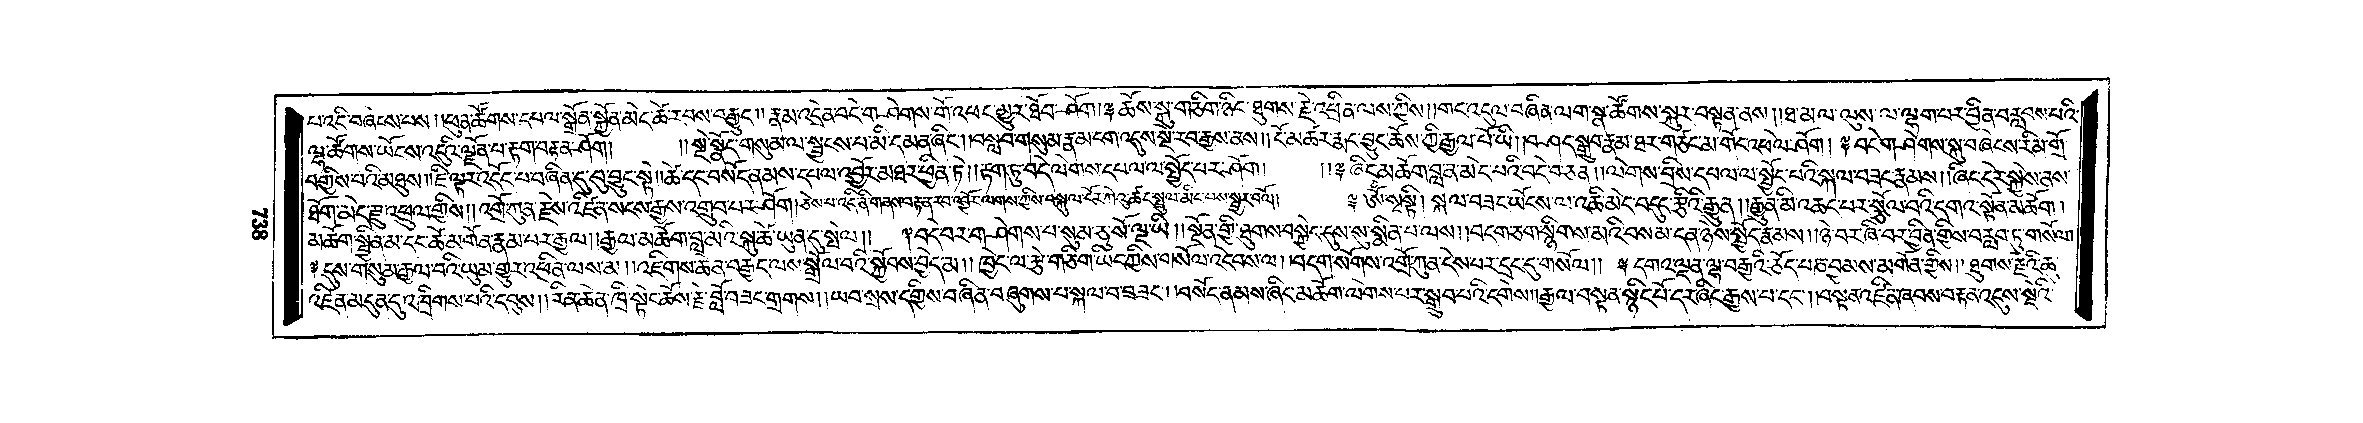པ་འདི་བཞེངས་པས། །ཕུན་ཚོགས་དཔལ་སྒྲོན་སྐྱོན་མེད་ཚེ་རབས་བརྒྱུད། །རྣམ་འདྲེན་བདེ་གཤེགས་གོ་འཕང་མྱུར་ཐོབ་ཤོག། ༈ཆོས་སྐུ་གཅིག་ཉིད་ཐུགས་རྗེ་འཕྲིན་ལས་ཀྱིས། །གང་འདུལ་བཞིན་ལག་སྣ་ཚོགས་སྐུར་བསྟན་ནས། །ཐ་མལ་ལུས་ལ་ལྷག་པར་བྱིན་བརླབས་པའི་
ལྷ་ཚོགས་ཡོངས་འདུའི་ལྗོན་པ་རྟག་བརྟན་ཤོག། །།སྡེ་སྣོད་གསུམ་ལ་སྦྱངས་པ་མི་དམན་ཞིང་། །བསླབ་གསུམ་རྣམ་དག་འདུས་སྡེ་རབ་རྒྱས་ནས། །ངོ་མཚར་རྨད་བྱུང་ཆོས་ཀྱི་རྒྱལ་པོ་ཡི། །བཤད་སྒྲུབ་རྣམ་ཐར་གཙང་མ་གོང་འཕེལ་ཤོག། ༈ བདེ་གཤེགས་སྐུ་བཞེངས་རིམ་གྲོ་
བགྱིས་པའི་མཐུས། །ཇི་ལྟར་འདོད་པ་བཞིན་དུ་བུ་བྱུང་སྟེ། ། ཚེ་དང་བསོད་ནམས་དཔལ་འབྱོར་མཐར་ཕྱིན་ཏེ། །རྟག་ཏུ་བདེ་ལེགས་དཔལ་ལ་སྤྱོད་པར་ཤོག། །།༈ ཞིང་མཆོག་བླ་ན་མེད་པའི་བདེ་བ་ཅན། །ལེགས་བྲིས་དཔལ་ལ་སྤྱོད་པའི་སྐལ་བཟང་རྣམས། །ཞིང་དེར་སྐྱེས་ནས་
ཐོག་མེད་རྫུ་འཕྲུལ་གྱིས། །འགྲོ་ཀུན་རྗེས་འཛིན་སངས་རྒྱས་འགྲུབ་པར་ཤོག །ཅེས་པ་འདི་ནི་གནས་བརྟན་རབ་འབྱོར་ལགས་ཀྱིས་བསྐུལ་ངོར་ཀེའུ་ཚང་སྤྲུལ་མིང་པས་སྦྱར་བའོ།། ༈ ཨོཾ་སྭ་སྟི། སྐལ་བཟང་ཡོངས་ལ་འཆི་མེད་བདུད་རྩིའི་རྒྱུན། །རྒྱུན་མི་འཆད་པར་སྩོལ་བའི་དགའ་སྟོན་མཆོག །
མཆོག་སྦྱིན་མ་དང་ཚེ་མགོན་རྣམ་པར་རྒྱལ། །རྒྱལ་མཆོག་བླ་མའི་སྐུ་ཚེ་ཡུན་དུ་སྤེལ། །༈བདེ་བར་གཤེགས་པ་སུམ་ཅུ་སོ་ལྔ་ཡི། །སྔོན་གྱི་ཐུགས་བསྐྱེད་དུས་སུ་སྨིན་པ་ལས། །བདག་ཅག་སྙིགས་མའི་བསམ་དན་ཉེས་སྤྱོད་རྣམས། །ཉེ་བར་ཞི་བར་བྱིན་གྱིས་བརླབ་ཏུ་གསོལ།
༈ དུས་གསུམ་རྒྱལ་བའི་ཡུམ་གྱུར་འཕྲིན་ལས་མ། །འཇིགས་ཆེན་བརྒྱད་ལས་སྒྲོལ་བའི་སྐྱོབས་བྱེད་མ། །ཁྱེད་ལ་རྩེ་གཅིག་ཡིད་ཀྱིས་གསོལ་འདེབས་ལ། །བདག་སོགས་འགྲོ་ཀུན་དེས་པར་དྲང་དུ་གསོལ། ། ༈ དགའ་ལྡན་ལྷ་བརྒྱའི་ཅོད་པཎ་བྱམས་མགོན་གྱིས། །ཐུགས་རྗེའི་ཆུ་
འཛིན་མདུན་དུ་འཁྲིགས་པའི་དབུས། །རིན་ཆེན་ཁྲི་སྟེང་ཆོས་རྗེ་བློ་བཟང་གྲགས། །ཡབ་སྲས་དགྱིས་བཞིན་བཞུགས་པ་སྐལ་བ་བཟང་། །བསོད་ནམས་ཞིང་མཆོག་ལེགས་པར་སྒྲུབ་པའི་དགེས། །རྒྱལ་བསྟན་སྙིང་པོ་དར་ཞིང་རྒྱས་པ་དང་། །བསྟན་འཛིན་ཞབས་བརྟན་འདུས་སྡེའི་